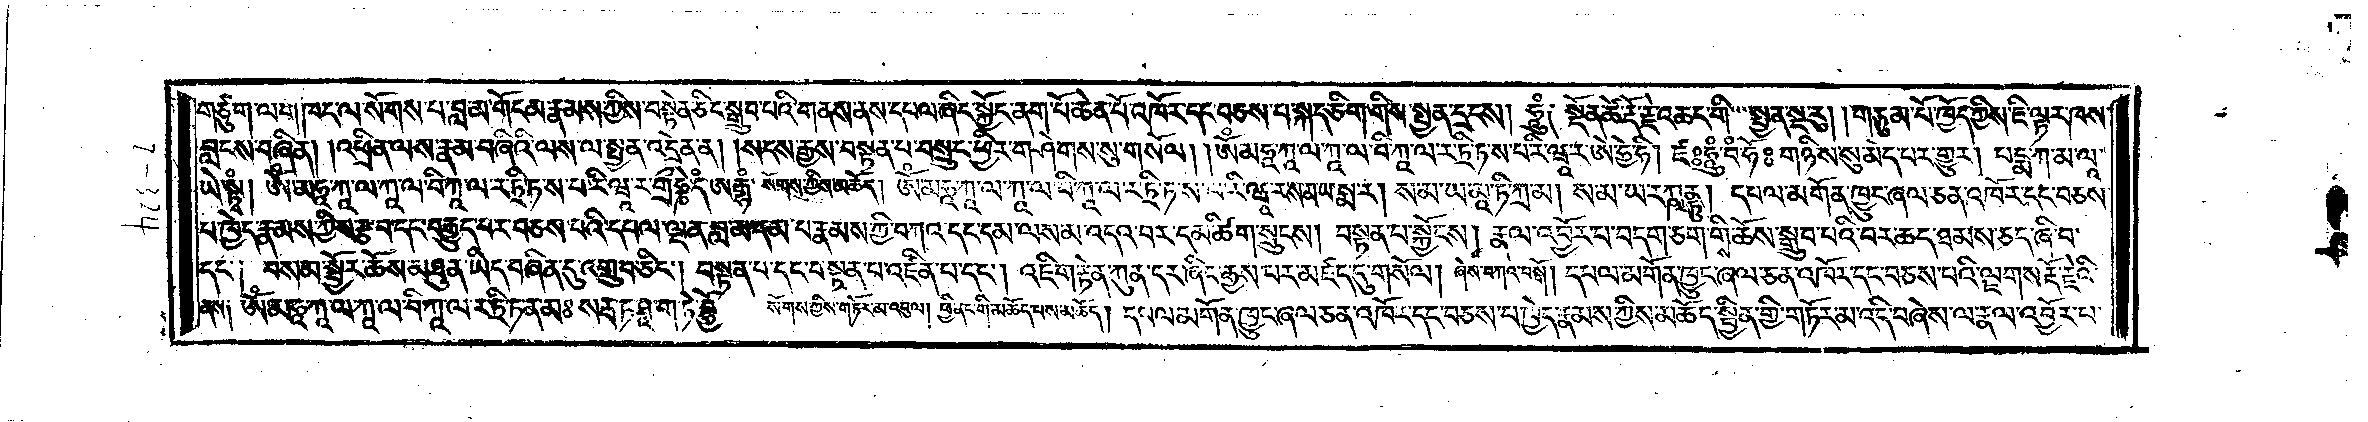གཙུག་ལག་ཁང་ལ་སོགས་པ་བླ་མ་གོང་མ་རྣམས་ཀྱིས་བསྟེན་ཅིང་སྒྲུབ་པའི་གནས་ནས་དཔལ་ཞིང་སྐྱོང་ནག་པོ་ཆེན་པོ་འཁོར་དང་བཅས་པ་སྐད་ཅིག་གིས་སྤྱན་དྲངས། ཧཱུཾ༑ སྔོན་ཚེ་རྡོ་རྗེ་འཆང་གི་མ་སྤྱན་སྔ་རུ། །གཏུམ་པོ་ཁྱོད་ཀྱིས་ཇི་ལྟར་ཁས་
བླངས་བཞིན། །འཕྲིན་ལས་རྣམ་བཞིའི་ལས་ལ་སྤྱན་འདྲེན་ན། །སངས་རྒྱས་བསྟན་པ་བསྲུང་ཕྱིར་གཤེགས་སུ་གསོལ། །ཨོཾ་མཧཱ་ཀཱ་ལ་ཀཱ་ལ་བི་ཀཱ་ལ་ར་ཏྲི་ཏ་ས་པ་རི་ཝཱ་ར་ཨེ་ཧྱེ་ཧི། ཛཿཧཱུཾ་བཾ་ཧོཿགཉིས་སུ་མེད་པར་གྱུར། པདམ་ཀ་མ་ལཱ་
ཡེ་སྟྭཾ། ཨོཾ་མཧཱ་ཀཱ་ལ་ཀཱ་ལ་བི་ཀཱ་ལ་ར་ཏྲི་ཏ་ས་པ་རི་ཝཱ་ར་གྲྀཧྞེ་དཾ་ཨརྒྷཾ་སོགས་ཀྱིས་མཆོད།  ཨོཾ་མཧཱ་ཀཱ་ལ་ཀཱ་ལ་བི་ཀཱ་ལ་ར་ཏྲི་ཏ་ས་པ་རི་ཝཱ་ར་ས་མ་ཡ་སྨ་ར། ས་མ་ཡ་མཱ་ཏི་ཀྲ་མ། ས་མ་ཡ་རཀྵནྟུ། དཔལ་མགོན་ཁྱུང་ཞལ་ཅན་འཁོར་དང་བཅས་
པ་ཁྱེད་རྣམས་ཀྱིས་རྩ་བ་དང་བརྒྱུད་པར་བཅས་པའི་དཔལ་ལྡན་བླ་མ་དམ་པ་རྣམས་ཀྱི་བཀའ་དང་དམ་ལས་མ་འདའ་བར་དམ་ཚིག་སྲུངས། བསྟན་པ་སྐྱོངས། རྣལ་འབྱོར་བ་བདག་ཅག་གིས་ཆོས་སྒྲུབ་པའི་བར་ཆད་ཐམས་ཅད་ཞི་བ་
དང༑ བསམ་སྦྱོར་ཆོས་མཐུན་ཡིད་བཞིན་དུ་འགྲུབ་ཅིང་། བསྟན་པ་དང་བསྟན་པ་འཛིན་པ་དང་། འཇིག་རྟེན་ཀུན་དར་ཞིང་རྒྱས་པར་མཛད་དུ་གསོལ། ཞེས་བཀའ་བསྒོ།  དཔལ་མགོན་ཁྱུང་ཞལ་ཅན་འཁོར་དང་བཅས་པའི་ལྗགས་རྡོ་རྗེའི་
ནས༑  ཨོཾ་མཧཱ་ཀཱ་ལ་ཀཱ་ལ་བི་ཀཱ་ལ་ར་ཏྲི་ཏ་ན་མཿསརྦ་ཏ་ཐཱ་ག་ཏེ་བྷྱོ་སོགས་ཀྱིས་གཏོར་མ་འབུལ། ཕྱི་ནང་གི་མཆོད་པས་མཆོད།  དཔལ་མགོན་ཁྱུང་ཞལ་ཅན་འཁོར་དང་བཅས་པ་ཁྱེད་རྣམས་ཀྱིས་མཆོད་སྦྱིན་གྱི་གཏོར་མ་འདི་བཞེས་ལ་རྣལ་འབྱོར་པ་